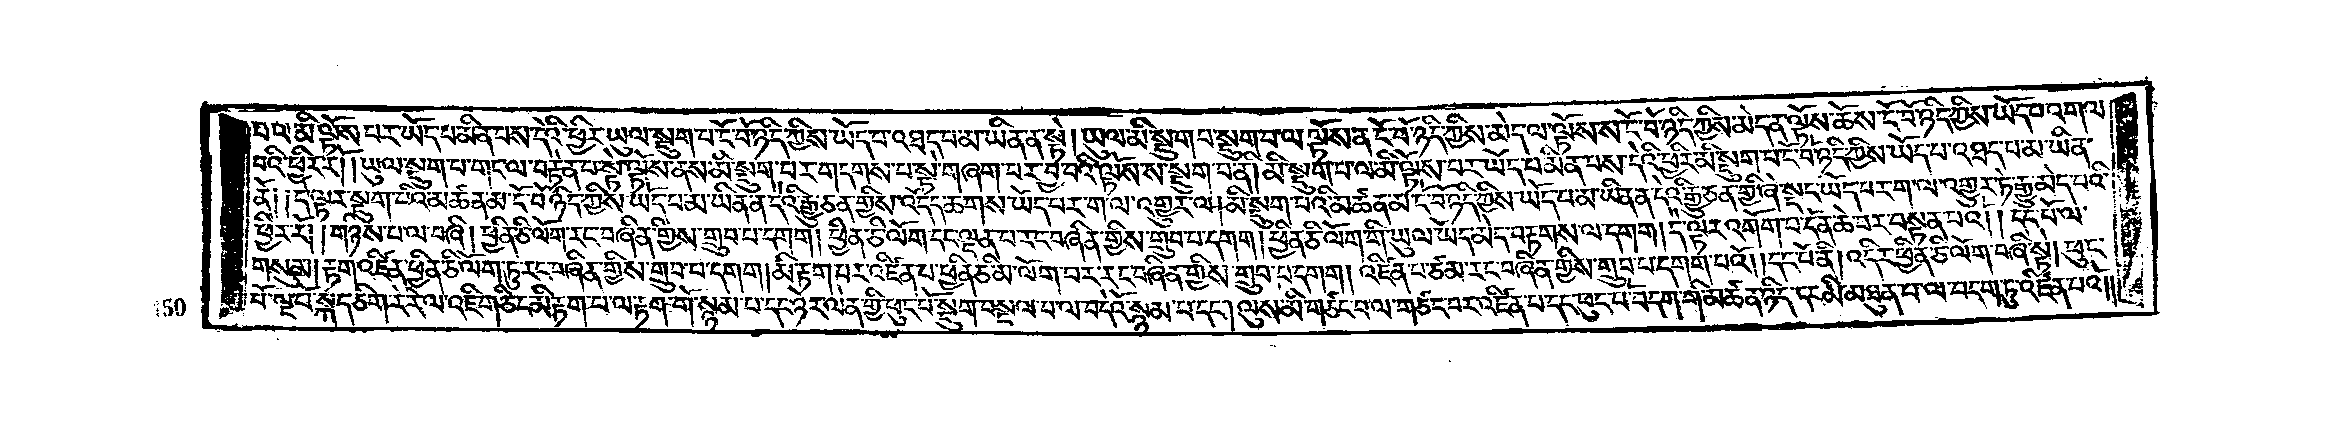པ་ལ་མི་ལྟོས་པར་ཡོད་པ་མིན་པས་དེའི་ཕྱིར་ཡུལ་སྡུག་པ་ངོ་བོ་ཉིད་ཀྱིས་ཡོད་པ་འཐད་པ་མ་ཡིན་ན་སྟེ། ཡུལ་མི་སྡུག་པ་སྡུག་པ་ལ་ལྟོས་ན་ངོ་བོ་ཉིད་ཀྱིས་མེད་ལ་ལྟོས་ས་ངོ་བོ་ཉིད་ཀྱིས་མེད་ན་ལྟོས་ཆོས་ངོ་བོ་ཉིད་ཀྱིས་ཡོད་པ་འགལ་
བའི་ཕྱིར་རོ། །ཡུལ་སྡུག་པ་གང་ལ་བརྟེན་པ་སྟེ་ལྟོས་ནས་མི་སྡུག་པར་གདགས་པ་སྟེ་གཞག་པར་བྱ་བའི་ལྟོས་ས་སྡུག་པ་ནི། མི་སྡུག་པ་ལ་མི་ལྟོས་པར་ཡོད་པ་མིན་པས་དེའི་ཕྱིར་མི་སྡུག་པ་ངོ་བོ་ཉིད་ཀྱི་ཡོད་པ་འཐད་པ་མ་ཡིན་
ནོ། །དེ་ལྟར་སྡུག་པའི་མཚན་མ་ངོ་བོ་ཉིད་ཀྱིས་ཡོད་པ་མ་ཡིན་ན་དེའི་རྒྱུ་ཅན་གྱིས་འདོད་ཆགས་ཡོད་པར་ག་ལ་འགྱུར་ལ། མི་སྡུག་པའི་མཚན་མ་ངོ་བོ་ཉིད་ཀྱིས་ཡོད་པ་མ་ཡིན་ན་དེའི་རྒྱུ་ཅན་གྱི་ཞེ་སྡང་ཡོད་པར་ག་ལ་འགྱུར་ཏེ་རྒྱུ་མེད་པའི་
ཕྱིར་རོ། །གཉིས་པ་ལ་བཞི། ཕྱིན་ཅི་ལོག་རང་བཞིན་གྱིས་གྲུབ་པ་དགག། ཕྱིན་ཅི་ལོག་དང་ལྡན་པ་རང་བཞིན་གྱིས་གྲུབ་པ་དགག། ཕྱིན་ཅི་ལོག་གི་ཡུལ་ཡོད་མེད་བརྟགས་ལ་དགག། དེ་ལྟར་འགོག་པ་དོན་ཆེ་བར་བསྟན་པའོ། །དང་པོ་ལ་
གསུམ། རྟག་འཛིན་ཕྱིན་ཅི་ལོག་ཏུ་རང་བཞིན་གྱིས་གྲུབ་པ་དགག། མི་རྟག་པར་འཛིན་པ་ཕྱིན་ཅི་མ་ལོག་པར་རང་བཞིན་གྱིས་གྲུབ་པ་དགག། འཛིན་པ་ཙམ་རང་བཞིན་གྱིས་གྲུབ་པ་དགག་པའོ། །དང་པོ་ནི། འདིར་ཕྱིན་ཅི་ལོག་བཞི་སྟེ། ཕུང་
པོ་ལྔ་པོ་སྐད་ཅིག་རེ་རེ་ལ་འཇིག་ཅིང་མི་རྟག་པ་ལ་རྟག་གོ་སྙམ་པ་དང་ཉེར་ལེན་གྱི་ཕུང་པོ་སྡུག་བསྔལ་བ་ལ་བདེའོ་སྙམ་པ་དང་། ལུས་མི་གཙང་བ་ལ་གཙང་བར་འཛིན་པ་དང་ཕུང་པོ་བདག་གི་མཚན་ཉིད་དང་མི་མཐུན་པ་ལ་བདག་ཏུ་འཛིན་པའོ།